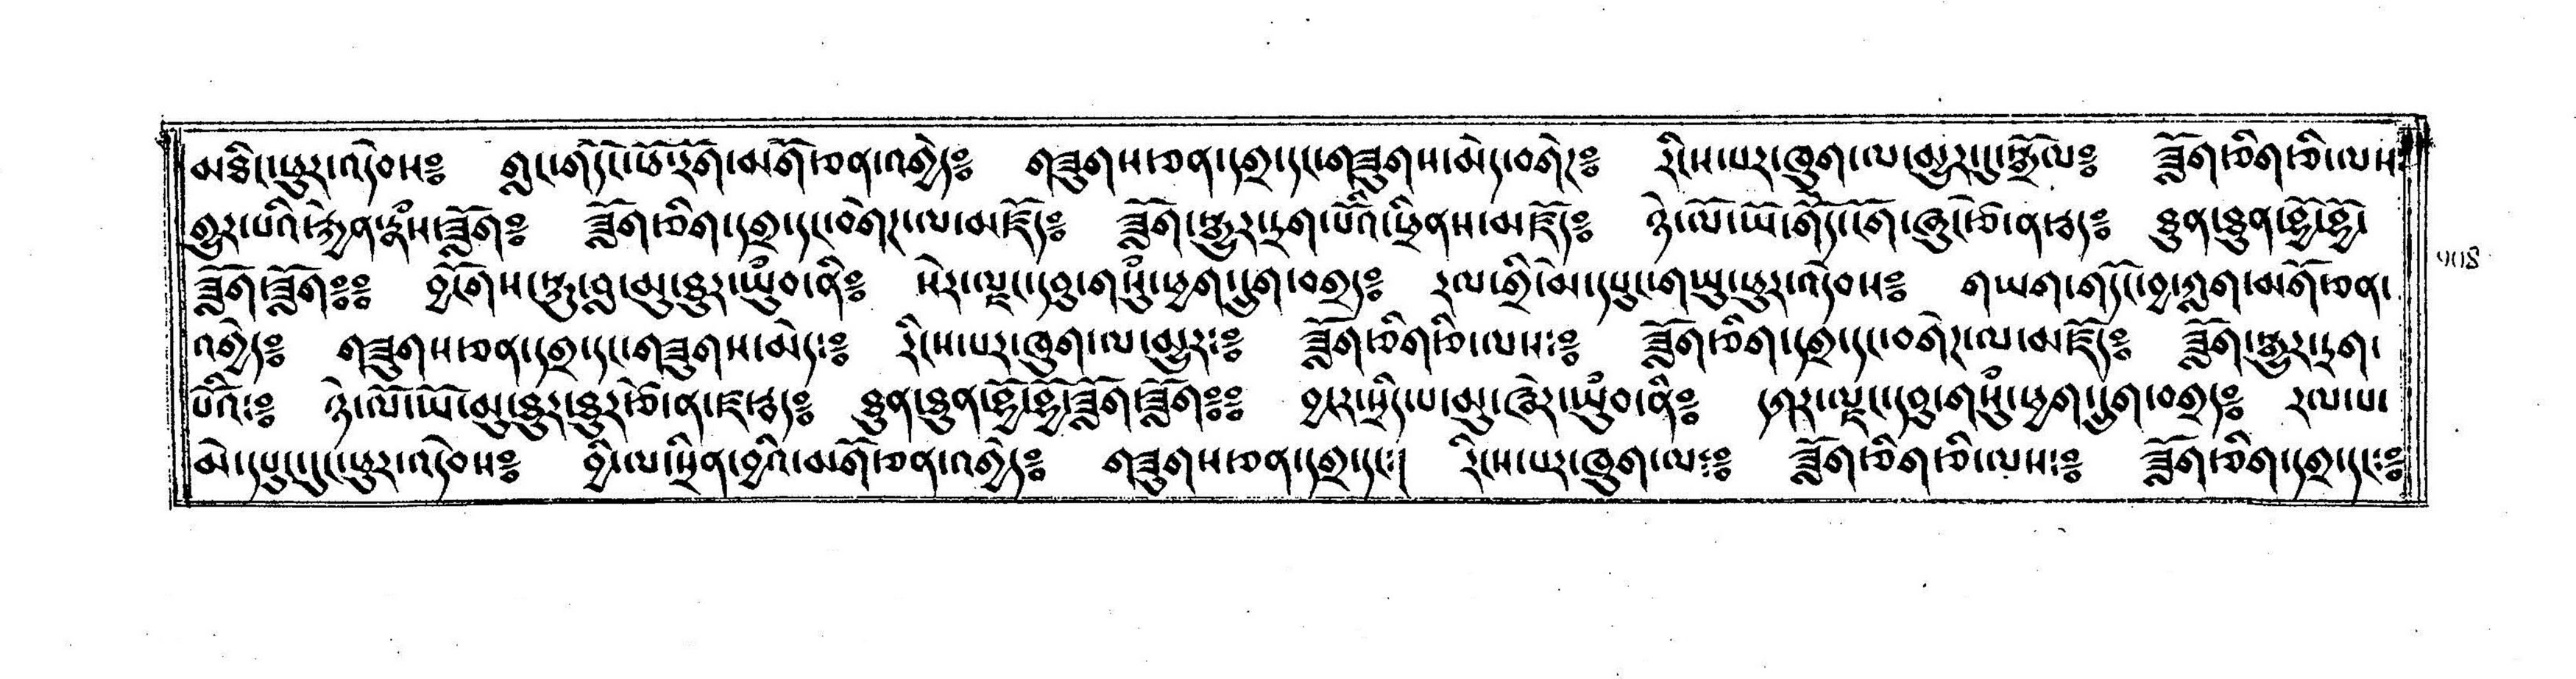མཐིང་ཕུར་འདེབས༔ གླང་གདོང་ཕོ་རོག་མགོ་ཅན་འགྱེད༔ གཟུགས་ཅན་དགྲ་དང་གཟུགས་མེད་བགེགས༔ རིངས་པར་ཁུག་ལ་མྱུར་དུ་སྒྲོལ༔ ཟློག་ཅིག་ཅི་ལས་
གྱུར་པའི་རྐྱེན་རྣམས་ཟློག༔ ཟློག་ཅིག་དགྲ་དང་བགེགས་ལ་མཛོད༔ ཟློག་སྒྱུར་དྲག་པོའི་ཕྲིན་ལས་མཛོད༔ ཉེ་ལོ་ཡོ་གེ་ཁོད་ངོག་ཞུང་ཙེ་ན་རྦད༔ ཐུན་ཐུན་བྷྱོ་བྷྱོ་
ཟློག་ཟློག༔༔ བྱང་ཕྱོགས་སྐུ་བླ་མུ་ཐུར་ཡབ་ཡུམ་ནི༔ སེར་ལྗང་དབུ་གསུམ་ཕྱག་དྲུག་བགྲད༔ རལ་གྲི་མེ་དཔུང་གཡུ་ཕུར་འདེབས༔ གཡག་གདོང་བྱ་ཀླག་མགོ་ཅན་
འགྱེད༔ གཟུགས་ཅན་དགྲ་དང་གཟུགས་མེད༴༔ རིངས་པར་ཁུག་ལ་མྱུར༴༔ ཟློག་ཅིག་ཅི་ལས༴༔ ཟློག་ཅིག་དགྲ་དང་བགེགས་ལ་མཛོད༔ ཟློག་སྒྱུར་དྲག་
པོའི༴༔ ཉེ་ལོ་ཡོ་མུ་ཐུར་ཐུར་ཙེ་ན་ཛ་རྦད༔ ཐུན་ཐུན་བྷྱོ་བྷྱོ་ཟློག་ཟློག༔༔ བྱང་ཤར་སྲིད་པ་མུ་ཝེར་ཡབ་ཡུམ་ནི༔ དཀར་ལྗང་དབུ་གསུམ་ཕྱག་དྲུག་བགྲད༔ རལ་པ་
མེ་དཔུང་དུང་ཕུར་འདེབས༔ བྱི་ལ་སྲིན་བྱའི་མགོ་ཅན་འགྱེད༔ གཟུགས་ཅན་དགྲ་དང་༴། རིངས་པར་ཁུག་ལ༴༔ ཟློག་ཅིག་ཅི་ལས༴༔ ཟློག་ཅིག་དགྲ་དང་༴༔